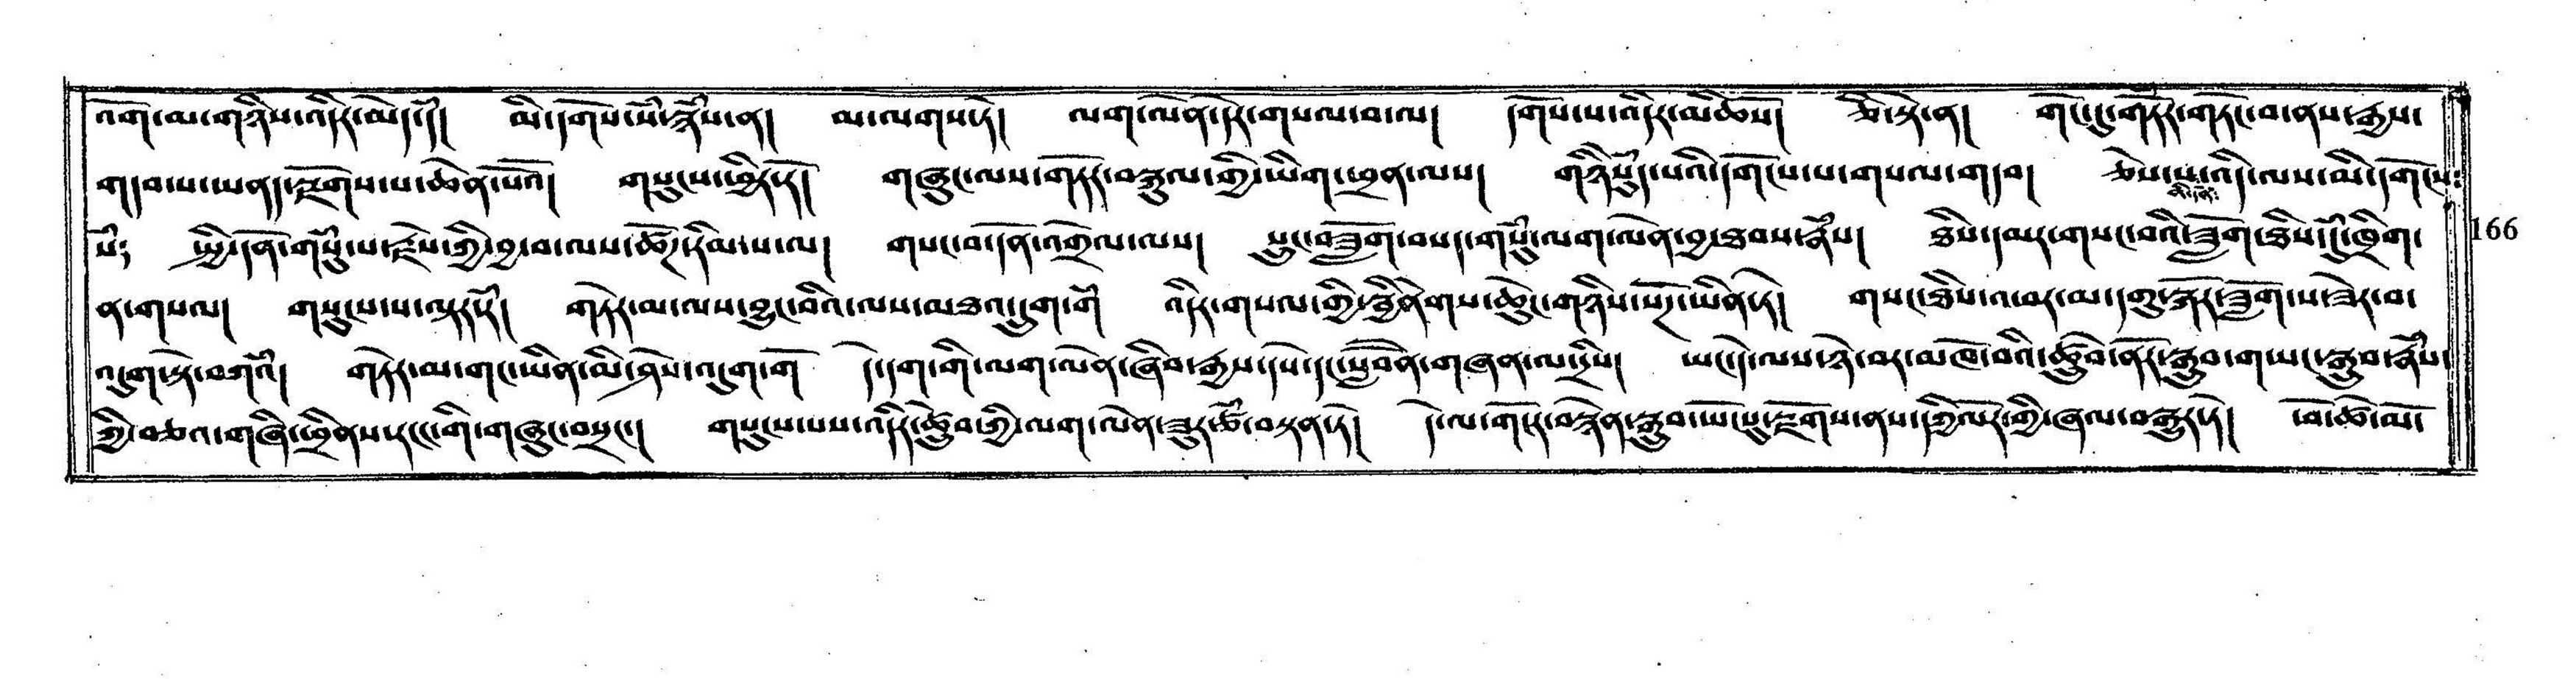འོག་མ་གཉིས་འདིར་མེད་དམ། མི་དགོས་སམ་སྙམས་ན། མ་ལགས་ཏེ། ལག་ལེན་དེར་གསལ་བ་ལ། དགོས་པ་འདིར་མཆིས་སོ། ཅི་སྟེ་ན། གོང་དུ་གཏོར་མ་གཏོང་བ་ནས་རྒྱས་
གདབ་པ་ཡན་ཆད་རྫོགས་པ་ཆེན་པོའོ། གསུངས་ཕྱིར་རོ། གཞུང་ལས་གཏོར་བསྐུལ་གྱི་ཡིག་ཕྲན་ལས། གཉིས་སུ་མེད་པའི་དགོངས་པ་གསལ་གདབ། ཅེས་པ་་ནི་དོན་་་འདི་ལས་མི་དགོངས་
སམ། ། སྤྱི་དོན་གསུམ་པ་རྗེས་ཀྱི་བྱ་བ་ལས་ཚོགས་རིམ་པ་ལ། གསང་བ་དོན་འགྲེལ་ལས། སྲུང་བཟློག་བསད་གསུམ་ལག་ལེན་བྱ་ཐབས་རྣམས། ཐིས་དམར་གསང་བའི་ཟློག་ཐིས་དུམ་ཁྲིག་
ན་གསལ། གསུངས་པ་ལྟར་རམ། གཏེར་མ་ལས་བྱུང་བའི་ལས་མཐའ་དྲུག་གམ། འདིར་གསལ་གྱི་སྦྱིན་སྲེག་ཆེ་ཆུང་གཉིས་སོགས་ཡིན་ཏེ། གསང་ཐིས་འཕར་མ་དགུ་སྐོར་ཟློག་པ་ཟེར་བ་
འདུག་སྟེ་བཀའམ། གཏེར་མ་གང་ཡིན་མི་ཤེས་འདུག་གོ དེ་དག་གི་ལག་ལེན་ཞིབ་རྒྱས་དཔེ་དང་སློབ་དཔོན་གཞན་ལ་དྲིས། ཡང་དེ་ལས་ཉེ་བར་མཁོ་བའི་ཚེ་སྒྲུབ་ནོར་སྒྲུབ་གཡང་སྒྲུབ་རྣམས་
ཀྱི་བཅའ་གཞི་ཕྲིན་ལས་རང་རང་གི་གཞུང་བསྲང་། གསུངས་པས་འདིར་ཚེ་སྒྲུབ་ཀྱི་ལག་ལེན་ཟུར་ཙམ་བསྟན་ཏེ། དེ་ལ་གོང་ལྟར་བསྙེན་སྒྲུབ་ཡོངས་སུ་རྫོགས་ནས་དཀྱིལ་འཁོར་གྱི་ཞལ་བསྒྱུར་ཏེ། ཕོ་ཚེ་མོ་